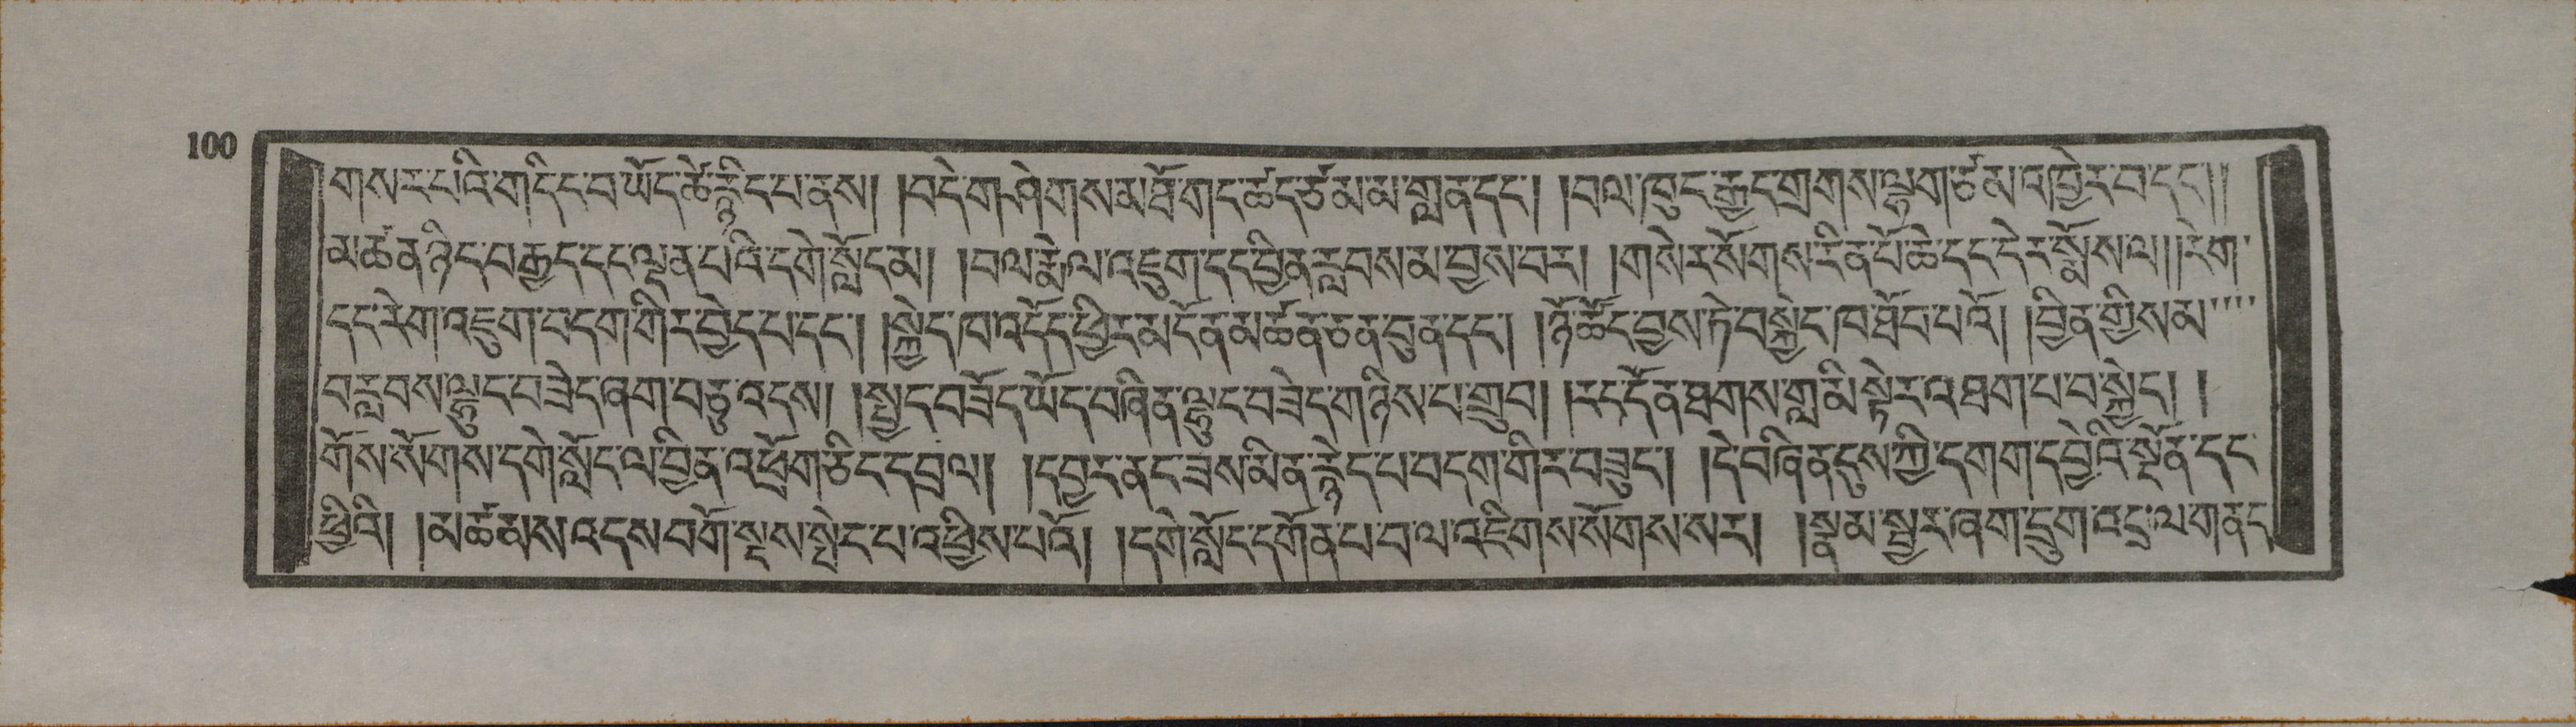གསར་པའི་གདིང་བ་ཡོད་ཚེ་རྙིང་པ་ནས། །བདེ་གཤེགས་མཐོ་གང་ཚད་ཙམ་མ་གླན་དང་། །བལ་ཁུང་རྒྱང་གྲགས་ལྷག་ཙམ་འཁྱེར་བ་དང་། །
མཚན་ཉིད་བརྒྱད་དང་ལྡན་པའི་དགེ་སློང་མ། །བལ་རྨེལ་འཇུག་དང་བྱིན་རླབས་མ་བྱས་བར། །གསེར་སོགས་རིན་པོ་ཆེ་དང་དེར་སྨོས་ལ། །རེག་
དང་རེག་འཇུག་བདག་གིར་བྱེད་པ་དང་། །སྐྱེད་ཁ་འདོད་ཕྱིར་མངོན་མཚན་ཅན་བུན་དང་། །ཉོ་ཚོང་བྱས་ཏེ་བསྐྱེད་ཁ་ཐོབ་པའོ། །བྱིན་གྱིས་མ་
བརླབས་ལྷུང་བཟེད་ཞག་བཅུ་འདས། །སྤྱད་བཟོད་ཡོད་བཞིན་ལྷུང་བཟེད་གཉིས་པ་གྲུབ། །རང་དོན་ཐགས་གླ་མི་སྟེར་འཐག་པ་བ་སྐྱེད། །
གོས་སོགས་དགེ་སློང་ལ་བྱིན་འཕྲོག་ཅིང་དབྲལ། །དབྱར་ནང་ཟས་མིན་རྙེད་པ་བདག་གིར་བཟུང་། །དེ་བཞིན་དུས་ཀྱི་དགག་དབྱེའི་སྔོན་དང་
ཕྱིའི། །མཚམས་འདས་བགོ་སྔས་སྤོང་པ་འཕྱིས་པའོ། །དགེ་སློང་དགོན་པ་བ་ལ་འཇིགས་སོགས་སར། །སྣམ་སྦྱར་ཞག་དྲུག་འཕྲལ་གནད་